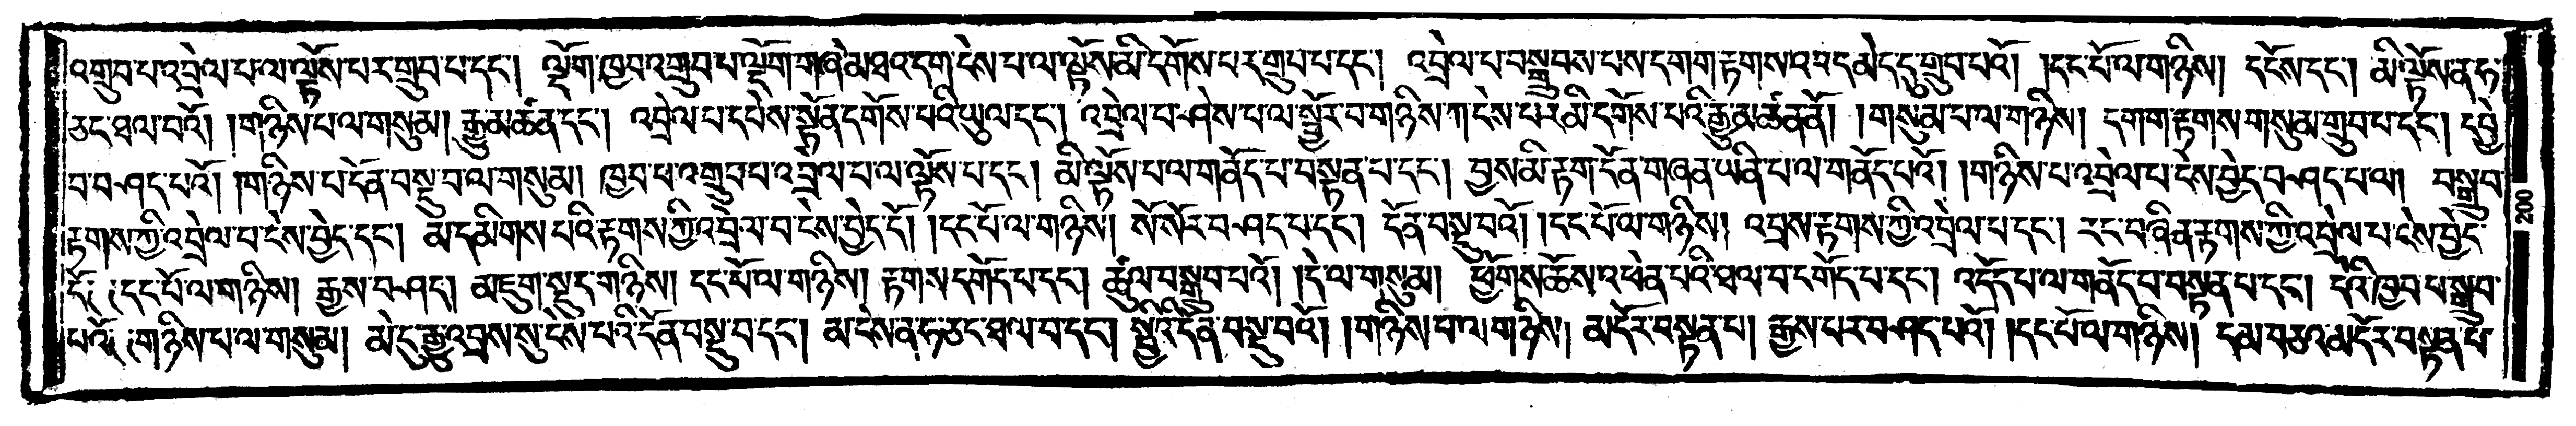འགྲུབ་པ་འབྲེལ་པ་ལ་ལྟོས་པར་གྲུབ་པ་དང་། ལྡོག་ཁྱབ་འགྲུབ་པ་ལྡོག་གཞི་མཐའ་དག་ངེས་པ་ལ་ལྟོས་མི་དགོས་པར་གྲུབ་པ་དང་། འབྲེལ་པ་བསྒྲུབས་པས་དགག་རྟགས་འབད་མེད་དུ་གྲུབ་པའོ། །དང་པོ་ལ་གཉིས། དངོས་དང་། མི་ལྟོས་ན་ཧ་
ཅང་ཐལ་བའོ། །གཉིས་པ་ལ་གསུམ། རྒྱུ་མཚན་དང་། འབྲེལ་པ་དཔེས་སྟོན་དགོས་པའི་ཡུལ་དང་། འབྲེལ་པ་ཤེས་པ་ལ་སྦྱོར་བ་གཉིས་ཀ་ངེས་པར་མི་དགོས་པའི་རྒྱུ་མཚན་ནོ། །གསུམ་པ་ལ་གཉིས། དགག་རྟགས་གསུམ་གྲུབ་པ་དང་། དབྱེ་
བ་བཤད་པའོ། །གཉིས་པ་དོན་བསྡུ་བ་ལ་གསུམ། ཁྱབ་པ་འགྲུབ་པ་འབྲེལ་པ་ལ་ལྟོས་པ་དང་། མི་ལྟོས་པ་ལ་གནོད་པ་བསྟན་པ་དང་། བྱས་མི་རྟག་དོན་གཞན་ཡིན་པ་ལ་གནོད་པའོ། །གཉིས་པ་འབྲེལ་པ་ངེས་བྱེད་བཤད་པ་ལ། བསྒྲུབ་
རྟགས་ཀྱི་འབྲེལ་པ་ངེས་བྱེད་དང་། མ་དམིགས་པའི་རྟགས་ཀྱི་འབྲེལ་པ་ངེས་བྱེད་དོ། །དང་པོ་ལ་གཉིས། སོ་སོར་བཤད་པ་དང་། དོན་བསྡུ་བའོ། །དང་པོ་ལ་གཉིས། འབྲས་རྟགས་ཀྱི་འབྲེལ་པ་དང་། རང་བཞིན་རྟགས་ཀྱི་འབྲེལ་པ་ངེས་བྱེད་
དོ། །དང་པོ་ལ་གཉིས། རྒྱས་བཤད། མཇུག་སྡུད་གཉིས། དང་པོ་ལ་གཉིས། རྟགས་དགོད་པ་དང་། ཚུལ་བསྒྲུབ་པའོ། །དེ་ལ་གསུམ། ཕྱོགས་ཆོས་འཕེན་པའི་ཐལ་བ་དགོད་པ་དང་། འདོད་པ་ལ་གནོད་པ་བསྟན་པ་དང་། དེའི་ཁྱབ་པ་སྒྲུབ་
པའོ། །གཉིས་པ་ལ་གསུམ། མེ་དུ་རྒྱུ་འབྲས་སུ་ངེས་པའི་དོན་བསྡུ་བ་དང་། མ་ངེས་ན་ཧ་ཅང་ཐལ་བ་དང་། སྤྱིའི་དོན་བསྡུ་པའོ། །གཉིས་པ་ལ་གཉིས། མདོར་བསྟན་པ། རྒྱས་པར་བཤད་པའོ། །དང་པོ་ལ་གཉིས། དམ་བཅའ་མདོར་བསྟན་པ་